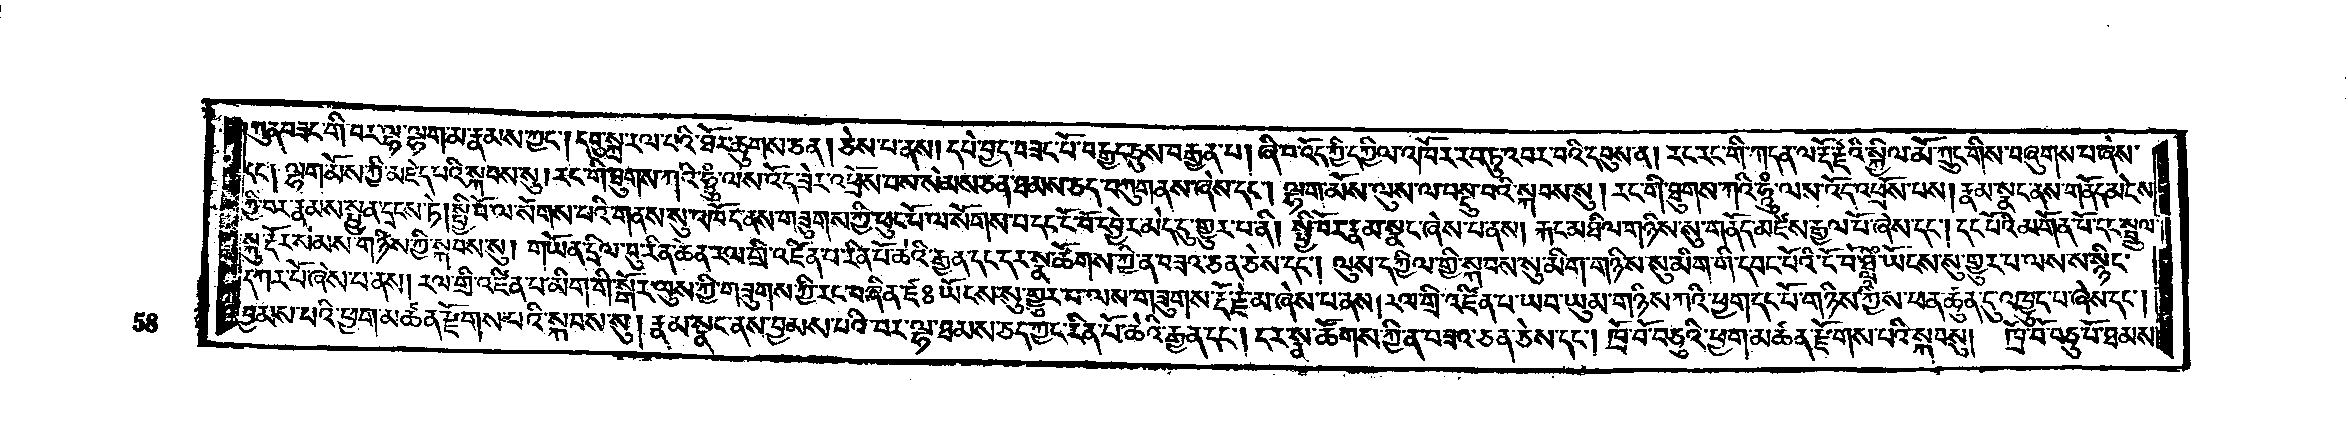ཀུན་བཟང་གི་བར་ལྷ་ལྷག་མ་རྣམས་ཀྱང་། དབུ་སྐྲ་རལ་པའི་ཐོར་ཚུགས་ཅན། ཅེས་པ་ནས། དཔེ་བྱད་བཟང་པོ་བརྒྱད་ཅུས་བརྒྱན་པ། ཞི་བ་འོད་ཀྱི་དཀྱིལ་འཁོར་རབ་ཏུ་འབར་བའི་དབུས་ན། རང་རང་གི་གདན་ལ་རྡོ་རྗེའི་སྐྱིལ་མོ་ཀྲུང་གིས་བཞུགས་པ་ཞེས་
དང་། ལྷག་མོས་ཀྱི་མཛད་པའི་སྐབས་སུ། རང་གི་ཐུགས་ཀའི་ཧཱུཾ་ལས་འོད་ཟེར་འཕྲོས་པས་སེམས་ཅན་ཐམས་ཅད་བཀུག་ནས་ཞེས་དང་། ལྷག་མོས་ལུས་ལ་བསྡུ་བའི་སྐབས་སུ། རང་གི་ཐུགས་ཀའི་ཧཱུཾ་ལས་འོད་འཕྲོས་པས། རྣམ་སྣང་ནས་གནོད་མཛེས་
ཀྱི་བར་རྣམས་སྤྱན་དྲངས་ཏེ། སྤྱི་བོ་ལ་སོགས་པའི་གནས་སུ་འཁོད་ནས་གཟུགས་ཀྱི་ཕུང་པོ་ལ་སོགས་པ་དང་ངོ་བོ་དབྱེར་མེད་དུ་གྱུར་པ་ནི། སྤྱི་བོར་རྣམ་སྣང་ཞེས་པ་ནས། རྐང་མཐིལ་གཉིས་སུ་གནོད་མཛེས་རྒྱལ་པོ་ཞེས་དང་། དང་པོའི་མགོན་པོ་དང་སྤྲུལ་
སྐུ་རྡོར་སེམས་གཉིས་ཀྱི་སྐབས་སུ། གཡོན་དྲིལ་བུ་རིན་ཆེན་རལ་གྲི་འཛིན་པ་རིན་པོ་ཆེའི་རྒྱན་དང་དར་སྣ་ཚོགས་ཀྱི་ན་བཟའ་ཅན་ཅེས་དང་། ལུས་དཀྱིལ་གྱི་སྐབས་སུ་མིག་གཉིས་སུ་མིག་གི་དབང་པོའི་ངོ་བོ་ཊཿལཱིཾ་ཡོངས་སུ་གྱུར་པ་ལས་ས་སྙིང་
དཀར་པོ་ཞེས་པ་ནས། རལ་གྲི་འཛིན་པ་མིག་གི་སྒོར་ལུས་ཀྱི་གཟུགས་ཀྱི་རང་བཞིན་ཛཿ ཡོངས་སུ་གྱུར་པ་ལས་གཟུགས་རྡོ་རྗེ་མ་ཞེས་པ་ནས། རལ་གྲི་འཛིན་པ་ཡབ་ཡུམ་གཉིས་ཀའི་ཕྱག་དང་པོ་གཉིས་ཀྱིས་ཕན་ཚུན་དུ་འཁྱུད་པ་ཞེས་དང་།
བྱམས་པའི་ཕྱག་མཚན་རྫོགས་པའི་སྐབས་སུ། རྣམ་སྣང་ནས་བྱམས་པའི་བར་ལྷ་ཐམས་ཅད་ཀྱང་རིན་པོ་ཆེའི་རྒྱན་དང་། དར་སྣ་ཚོགས་ཀྱི་ན་བཟའ་ཅན་ཅེས་དང་། ཁྲོ་བོ་བཅུའི་ཕྱག་མཚན་རྫོགས་པའི་སྐབས་སུ། ཁྲོ་བོ་བཅུ་པོ་ཐམས་